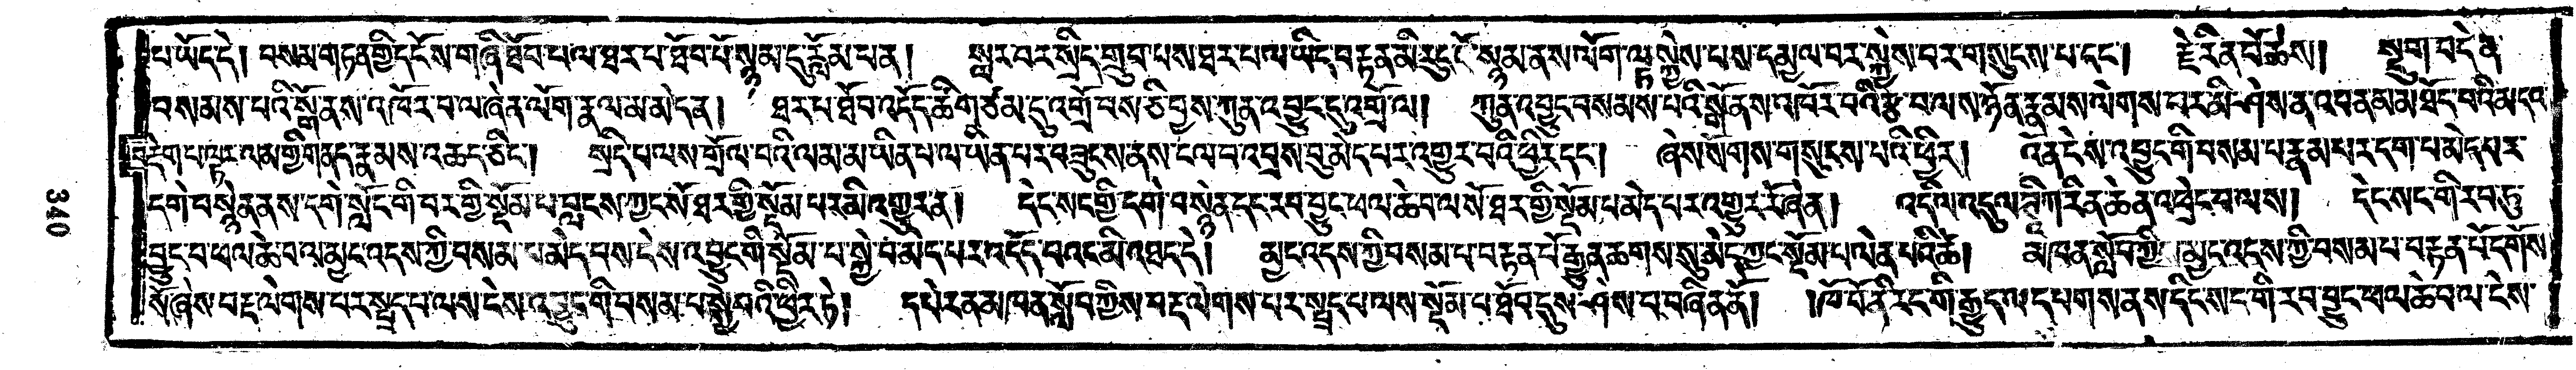པ་ཡོད་དེ། བསམ་གཏན་གྱི་དངོས་གཞི་ཐོབ་པ་ལ་ཐར་པ་ཐོབ་པོ་སྙམ་དུ་རློམ་པན། སླར་བར་སྲིད་གྲུབ་པས་ཐར་པ་ལ་ཡིད་བརྟན་མི་རུང་ངོ་སྙམ་ནས་ལོག་ལྟ་སྐྱེས་པས་དམྱལ་བར་སྐྱེས་བར་གསུངས་པ་དང་། རྗེ་རིན་པོ་ཆེས། སྡུག་བདེན་
བསམས་པའི་སྒོ་ནས་འཁོར་བ་ལ་ཞེན་ལོག་རྣལ་མ་མེད་ན། ཐར་པ་ཐོབ་འདོད་ཚིག་ཙམ་དུ་འགྲོ་བས་ཅི་བྱས་ཀུན་འབྱུང་དུ་འགྲོ་ལ། ཀུན་འབྱུང་བསམས་པའི་སྒོ་ནས་འཁོར་བའི་རྩ་བ་ལས་ཉོན་རྣམས་ལེགས་པར་མི་ཤེས་ན་འབན་མ་མཐོང་བའི་མདའ་
བརྡེག་པ་ལྟར་ལམ་གྱི་གནད་རྣམས་འཆད་ཅིང་། སྲིད་པ་ལས་གྲོལ་བའི་ལམ་མ་ཡིན་པ་ལ་ཡིན་པར་བཟུངས་ནས་ངལ་བ་འབྲས་བུ་མེད་པར་འགྱུར་བའི་ཕྱིར་དང་། ཞེས་སོགས་གསུངས་པའི་ཕྱིར། འོན་ངེས་འབྱུང་གི་བསམ་པ་རྣམ་པར་དག་པ་མེད་པར་
དགེ་བསྙེན་ནས་དགེ་སློང་གི་བར་གྱི་སྡོམ་པ་བླངས་ཀྱང་སོ་ཐར་གྱི་སྡོམ་པར་མི་འགྱུར་ན། དེང་སང་གྱི་དགེ་བསྙེན་དང་རབ་བྱུང་ཕལ་ཆེ་བ་ལ་སོ་ཐར་གྱི་སྡོམ་པ་མེད་པར་འགྱུར་རོ་ཞེ་ན། འདི་ལ་འདུལ་ཊཱི་ཀ་རིན་ཆེན་འཕྲེང་བ་ལས། དེང་སང་གི་རབ་ཏུ་
བྱུང་བ་ཕལ་ཆེ་བ་ལ་མྱང་འདས་ཀྱི་བསམ་པ་མེད་པས་དེས་འབྱུང་གི་སྡོམ་པ་སྐྱེ་བ་མེད་པར་འདོད་པའང་མི་འཐད་དེ། མྱང་འདས་ཀྱི་བསམ་པ་བརྟན་པ་རྒྱུན་མ་ཆགས་སུ་མེད་ཀྱང་སྔོམ་པ་ལེན་པའི་ཚེ། མཁན་སློབ་ཀྱིས་མྱང་འདས་ཀྱི་བསམ་པ་བརྟན་པོ་དགོས་
སོ་ཞེས་བརྡ་ལེགས་པར་སྤྲད་པ་ལས་ངེས་འབྱུང་གི་བསམ་པ་སྐྱེ་བའི་ཕྱིར་ཏེ། དཔེར་ན་མཁན་སློབ་ཀྱིས་བརྡ་ལེགས་པར་སྤྲད་པ་ལས་སྡོམ་པ་ཐོབ་དུས་ཤེས་པ་བཞིན་ནོ། །ཁོ་བོ་ནི་རང་གི་རྒྱུད་ལ་དཔགས་ནས་དིང་སང་གི་རབ་བྱུང་ཕལ་ཆེ་བ་ལ་ངེས་